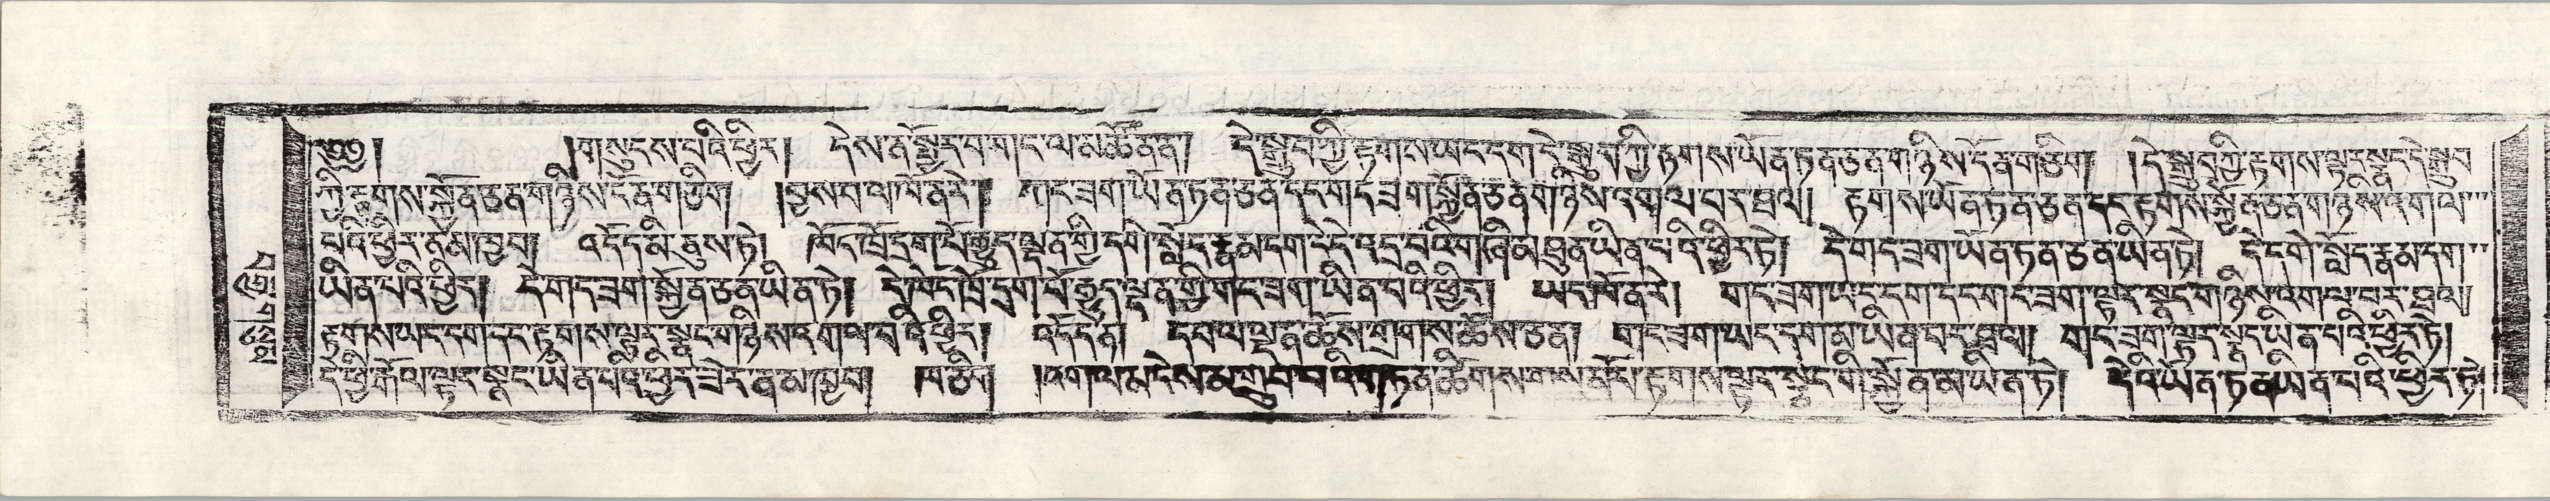༄༅། །གསུངས་པའི་ཕྱིར། དེས་ན་སྦྱོར་བ་གང་ལ་མཚོན་ན། དེ་སྒྲུབ་ཀྱི་རྟགས་ཡང་དག་དེ་སྒྲུབ་ཀྱི་རྟགས་ཡོན་ཏན་ཅན་གཉིས་དོན་གཅིག །དེ་སྒྲུབ་ཀྱི་རྟགས་ལྟར་སྣང་དེ་སྒྲུབ་
ཀྱི་རྟགས་སྐྱོན་ཅན་གཉིས་དོན་གཅིག །བྱས་པ་ལ་ཁོ་ན་རེ། གང་ཟག་ཡོན་ཏན་ཅན་དང་གང་ཟག་སྐྱོན་ཅན་གཉིས་འགལ་བར་ཐལ། རྟགས་ཡོན་ཏན་ཅན་དང་རྟགས་སྐྱོན་ཅན་གཉིས་འགལ་
བའི་ཕྱིར་ན་མ་ཁྱབ། འདོད་མི་ནུས་ཏེ། ཁོང་ཁྲོ་དྲག་པོ་རྒྱུད་ལྡན་གྱི་དགེ་སློང་རྣམ་དག་དེ་དེ་འདྲ་བའི་གཞི་མཐུན་ཡིན་པའི་ཕྱིར་ཏེ། དེ་གང་ཟག་ཡོན་ཏན་ཅན་ཡིན་ཏེ། དེ་དགེ་སློང་རྣམ་དག་
ཡིན་པའི་ཕྱིར། དེ་གང་ཟག་སྐྱོན་ཅན་ཡིན་ཏེ། དེ་ཁོང་ཁྲོ་དྲག་པོ་རྒྱུད་ལྡན་གྱི་གང་ཟག་ཡིན་པའི་ཕྱིར། ཡང་ཁོ་ན་རེ། གང་ཟག་ཡང་དག་དང་གང་ཟག་ལྟར་སྣང་གཉིས་འགལ་བར་ཐལ།
རྟགས་ཡང་དག་དང་རྟགས་ལྟར་སྣང་གཉིས་འགལ་བའི་ཕྱིར། འདོད་ན། དཔལ་ལྡན་ཆོས་གྲགས་ཆོས་ཅན། གང་ཟག་ཡང་དག་མ་ཡིན་པར་ཐལ། གང་ཟག་ལྟར་སྣང་ཡིན་པའི་ཕྱིར་ཏེ།
དེ་ཕྱི་རྒོལ་ལྟར་སྣང་ཡིན་པའི་ཕྱིར་ཟེར་ན་མ་ཁྱབ། ཁ་ཅིག །འགལ་མ་ངེས་མ་གྲུབ་པའི་གཏན་ཚིགས་གསུམ་པོ་རྟགས་ལྟར་སྣང་གི་སྐྱོན་མ་ཡིན་ཏེ། དེའི་ཡོན་ཏན་ཡིན་པའི་ཕྱིར་ཏེ།